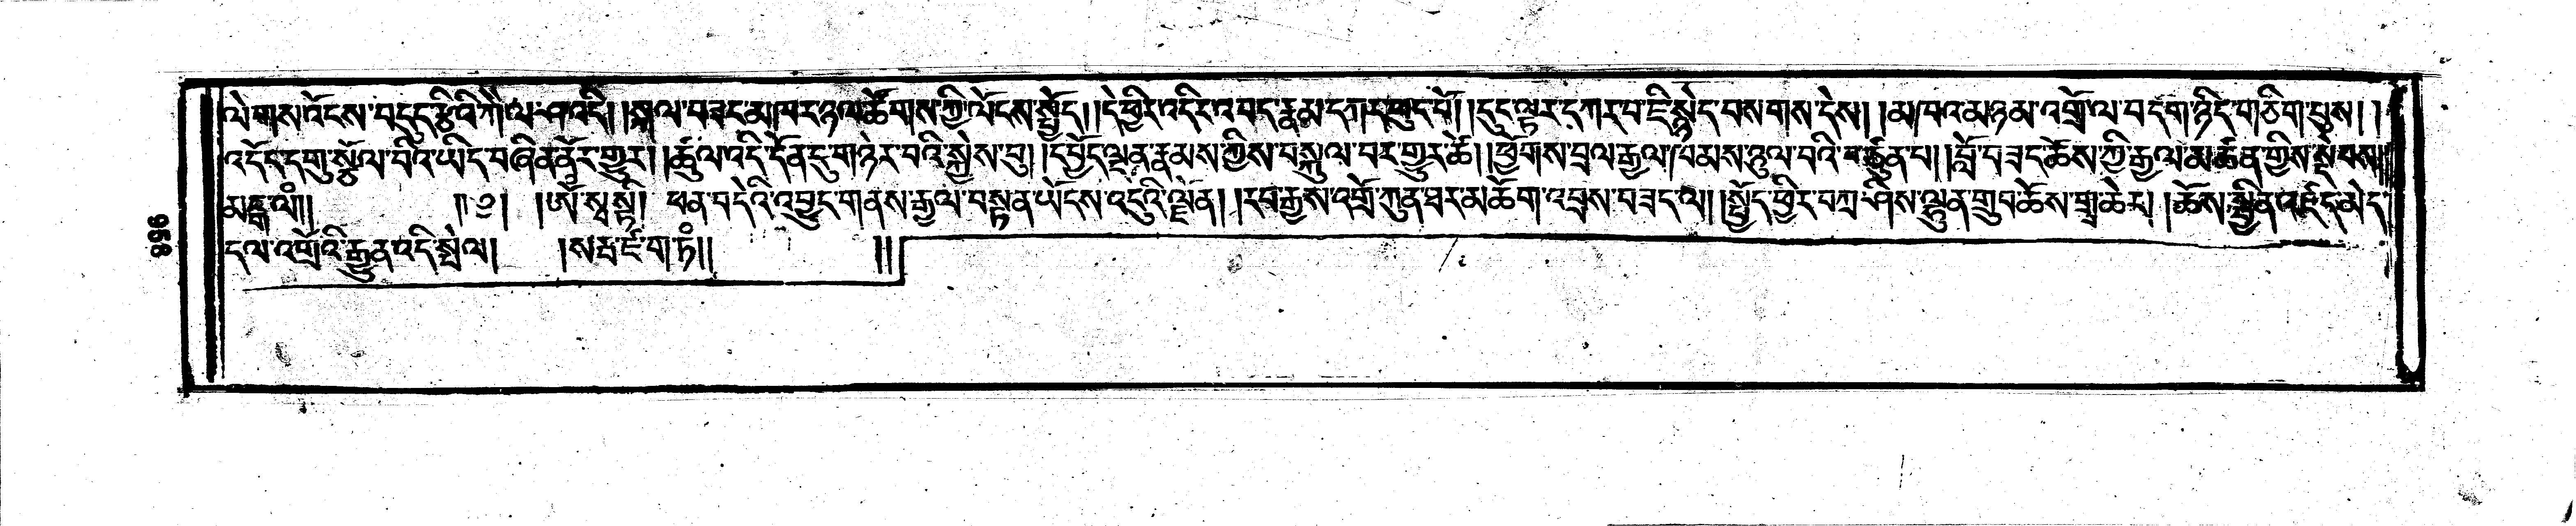ལེགས་འོངས་བདུད་རྩིའི་ཀཻ་ལ་ཤ་འདི། །སྐལ་བཟང་མཁར་ཉལ་ཚོགས་ཀྱི་ལོངས་སྤྱོད། །དེ་ཕྱིར་འདིར་འབད་རྣམ་དཀར་ཕུང་པོ། །དུང་ལྟར་དཀར་བ་ཇི་སྙེད་བསགས་དེས། །མཁའ་མཉམ་འགྲོ་ལ་བདག་ཉིད་གཅིག་པུས། །
འདོད་དགུ་སྩོལ་བའི་ཡིད་བཞིན་ནོར་གྱུར། །ཚུལ་འདི་དོན་དུ་གཉེར་བའི་སྐྱེས་བུ། །དཔྱོད་ལྡན་རྣམས་ཀྱིས་བསྐུལ་བར་གྱུར་ཚེ། །ཕྱོགས་བྲལ་རྒྱལ་ཁམས་ཉུལ་བའི་བཙུན་པ། །བློ་བཟང་ཆོས་ཀྱི་རྒྱལ་མཚན་གྱིས་སྡེབས། །
མངྒ་ལཾ།། །།༄༅། །ཨོཾ་སྭསྟི། ཕན་བདེའི་འབྱུང་གནས་རྒྱལ་བསྟན་ཡོངས་འདུའི་ལྗོན། །རབ་རྒྱས་འགྲོ་ཀུན་ཐར་མཆོག་འབྲས་བཟང་ལ། །སྤྱོད་ཕྱིར་བཀྲ་ཤིས་ལྷུན་གྲུབ་ཆོས་གྲྭ་ཆེར། །ཆོས་སྦྱིན་འཛད་མེད་
དལ་འགྲོའི་རྒྱུན་འདི་སྤེལ། །སརྦ་ཛ་ག་ཏཾ།། །།